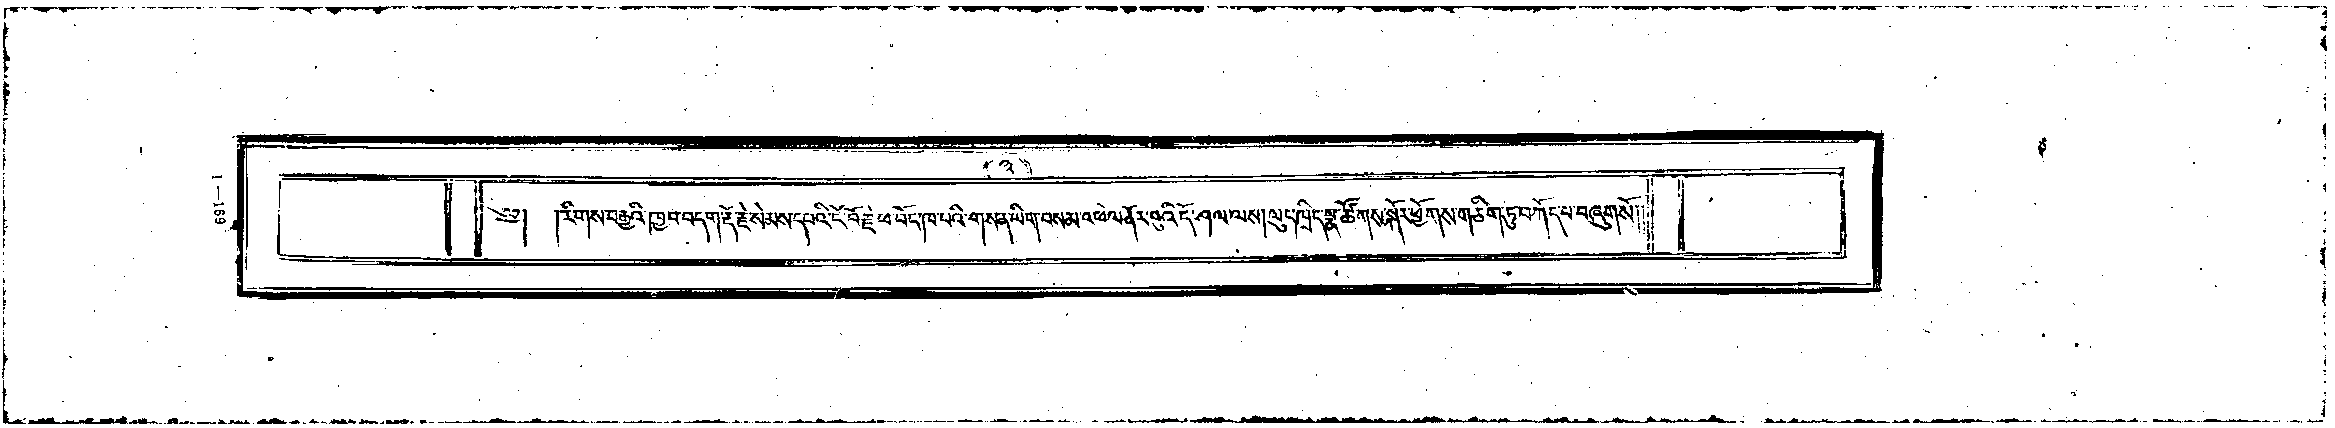༄༅། །རིགས་བརྒྱའི་ཁྱབ་བདག་རྡོ་རྗེ་སེམས་དཔའི་ངོ་བོ་རྗེ་ཕ་བོང་ཁ་པའི་གསན་ཡིག་བསམ་འཕེལ་ནོར་བུའི་དོ་ཤལ་ལས། ལུང་ཁྲིད་སྣ་ཚོགས་སྐོར་ཕྱོགས་གཅིག་ཏུ་བཀོད་པ་བཞུགསོ།།